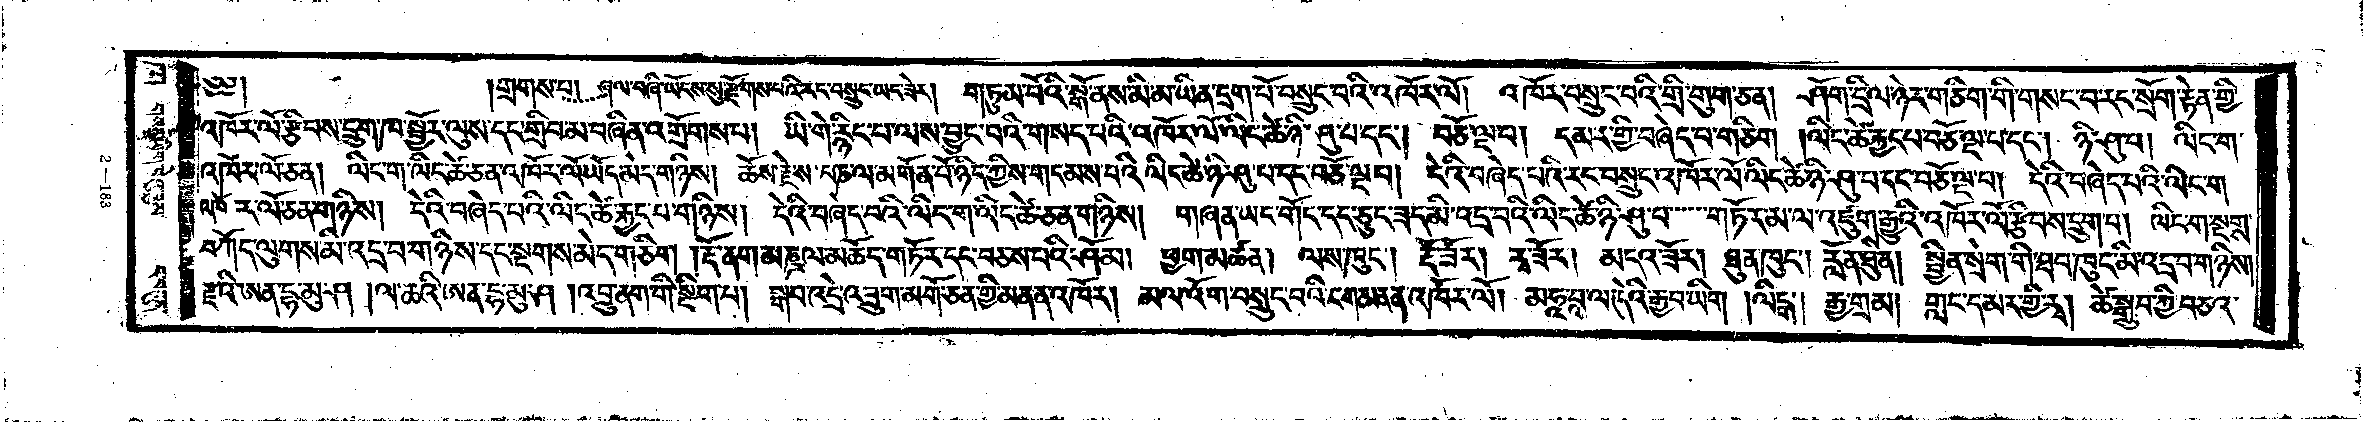༄༅། །གྲགས་པ། ཞལ་བཞི་ཡོངས་སུ་རྫོགས་པའི་རང་བསྲུང་ཡང་ཟེར།  གཏུམ་བོའི་སྒོ་ནས་མི་མ་ཡིན་དྲག་པོ་བསྲུང་བའི་འཁོར་ལོ། འཁོར་བསྲུང་བའི་གྲི་གུག་ཅན། ཤོག་དྲིལ་ཉེར་གཅིག་གི་གསང་བ་རང་སྲོག་རྟེན་གྱི་
འཁོར་ལོ་རྩིབས་དྲུག་ཁ་སྦྱོར་ལུས་དང་གྲིབ་མ་བཞིན་འགྲོགས་པ། ཡི་གེ་རྙིང་པ་ལས་བྱུང་བའི་གསད་པའི་འཁོར་ལོ་ལིང་ཚེ་ཉི་ཤུ་པ་དང་། བཅོ་ལྔ་པ། དམར་གྱི་བཞེད་པ་གཅིག །ལིང་ཚེ་རྐྱང་བ་བཅོ་ལྔ་པ་དང་། ཉི་ཤུ་པ། ལིང་ག་
འཁོར་ལོ་ཅན། ལིང་ག་ལིང་ཚེ་ཅན་འཁོར་ལོ་ཡོད་མེད་གཉིས། ཆོས་རྗེས་པཎ་ལ་མགོན་པོ་ཉིད་ཀྱིས་གདམས་པའི་ལིང་ཚེ་ཉི་ཤུ་པ་དང་བཅོ་ལྔ་པ། དེའི་བཞེད་པའི་རང་བསྲུང་འཁོར་ལོ་ལིང་ཚེ་ཉི་ཤུ་པ་དང་བཅོ་ལྔ་པ། དེའི་བཞེད་པའི་ལིང་ག་
འཁོར་ལོ་ཅན་གཉིས། དེའི་བཞེད་པའི་ལིང་ཚེ་རྐྱང་པ་གཉིས། དེའི་བཞེད་པའི་ལིང་ག་ལིང་ཚེ་ཅན་གཉིས། གཞན་ཡང་གོང་དང་ཅུང་ཟད་མི་འདྲ་བའི་ལིང་ཚེ་ཉི་ཤུ་པ་གཏོར་མ་ལ་འཛུག་རྒྱུའི་འཁོར་ལོ་རྩིབས་དྲུག་པ། ལིང་ག་སྔགས་
བཀོད་ལུགས་མི་འདྲ་བ་གཉིས་དང་སྔགས་མེད་གཅིག །རྡོ་ནག་མཎྜལ་མཆོད་གཏོར་དང་བཅས་པའི་ཤོམ། ཕྱག་མཚན། ལས་ཁུང་། རྡོ་ཟོར། རྭ་ཟོར། མདའ་ཟོར། ཐུན་ཁུང་། རློན་ཐུན། སྦྱིན་སྲེག་གི་ཐབ་ཁུང་མི་འདྲ་བ་གཉིས།
རྫའི་ཨན་དྷ་མུ་ཤ་།ལ་ཆའི་ཨན་དྷ་མུ་ཤ་།འབྲུ་ནག་གི་སྡིག་པ། སྒབ་འདྲེ་འབྲུག་མགོ་ཅན་གྱི་མནན་འཁོར། མལ་འོག་བསྲུང་བའི་ངག་མནན་འཁོར་ལོ། མཧཱ་བཱ་ལ་དེའི་རྒྱབ་ཡིག །ལིངྒ། རྒྱ་གྲམ། གླང་དམར་གྱི་རྭ། ཚེ་སྒྲུབ་ཀྱི་བཅའ་